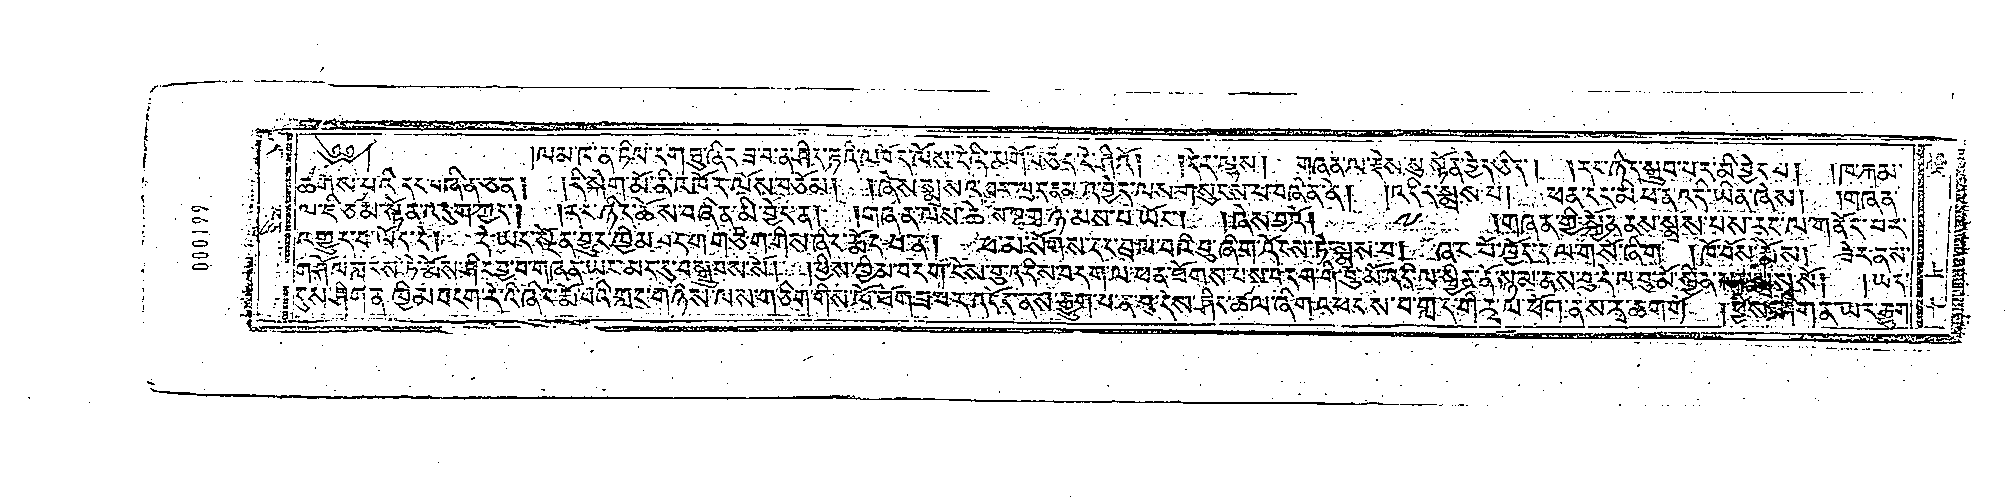༄༅། །ལམ་ཁ་ན་ཏིལ་དག་ཐུ་ཞིང་ཟ་བ་ན་ཤིང་རྟའི་འཁོར་ལོས་དེའི་མགོ་བཅད་དེ་ཤིའོ། །དེར་ལྷས། གཞན་ལ་རྗེས་སུ་སྟོན་བྱེད་ཅིང་། །རང་ཉིད་སྒྲུབ་པར་མི་བྱེད་པ། །ཁ་རྐམ་
ཆགས་པའི་རང་བཞིན་ཅན། །རི་སྐེག་མོ་ནི་འཁོར་ལོས་བཅོམ། །ཞེས་སྨྲས་འཐར་ལུང་རྣམ་འབྱེད་ལས་གསུངས་པ་བཞིན་ནོ། །འདིར་སྨྲས་པ། ཕན་དང་མི་ཕན་འདི་ཡིན་ཞེས། །གཞན་
ལ་ཇི་ཙམ་སྟོན་འདུག་ཀྱང་། །རང་ཉིད་ཆོས་བཞིན་མི་བྱེད་ན། །གཞན་ལས་ཆེས་ལྷག་ཉམས་པ་ཡོད། །ཞེས་བྱའོ། ༧་།གཞན་གྱི་སྐྱོན་ནས་སྨྲས་པས་རང་ལ་གནོད་པར་
འགྱུར་བ་ཡོད་དེ། དེ་ཡང་སྔོན་བྱུང་ཁྱིམ་བདག་གཅིག་གིས་ཞིང་རྨོང་པ་ན། ཕ་མ་སོགས་དང་བྲལ་བའི་བུ་ཞིག་འོངས་ཏེ་སྨྲས་པ། ཞང་པོ་ཁྱོད་དལ་གསོ་ཞིག །ཁོ་བོས་རྨོས། ཟེར་ནས་
གཤོལ་བླངས་ཏེ་རྨོས་ཤིང་བྱ་བ་གཞན་ཡང་མང་དུ་བསྒྲུབས་སོ། །ཕྱིས་ཁྱིམ་བདག་ངེས་བུ་འདིས་བདག་ལ་ཕན་ཐོགས་པས་བདག་གི་བུ་མོ་འདི་ལ་སྦྱིན་ནོ་སྙམ་ནས་བུ་དེ་ལ་བུ་མོ་སྦྱིན་པར་སྨྲས་སོ། །ཡང་
དུས་ཤིག་ན་ཁྱིམ་བདག་དེའི་ཞིང་རྨོ་པའི་གླང་གཉིས་ལས་གཅིག་གིས་ལོ་ཐོག་ཟ་བར་འདོད་ནས་རྒྱུག་པ་ན་བུ་དེས་ཤིང་ཚལ་ཞིག་འཕངས་བ་གླང་གི་རྭ་ལ་ཕོག་ནས་རྭ་ཆག་གོ །ཕྱིས་ཤིག་ན་ཡང་རྒྱུག་